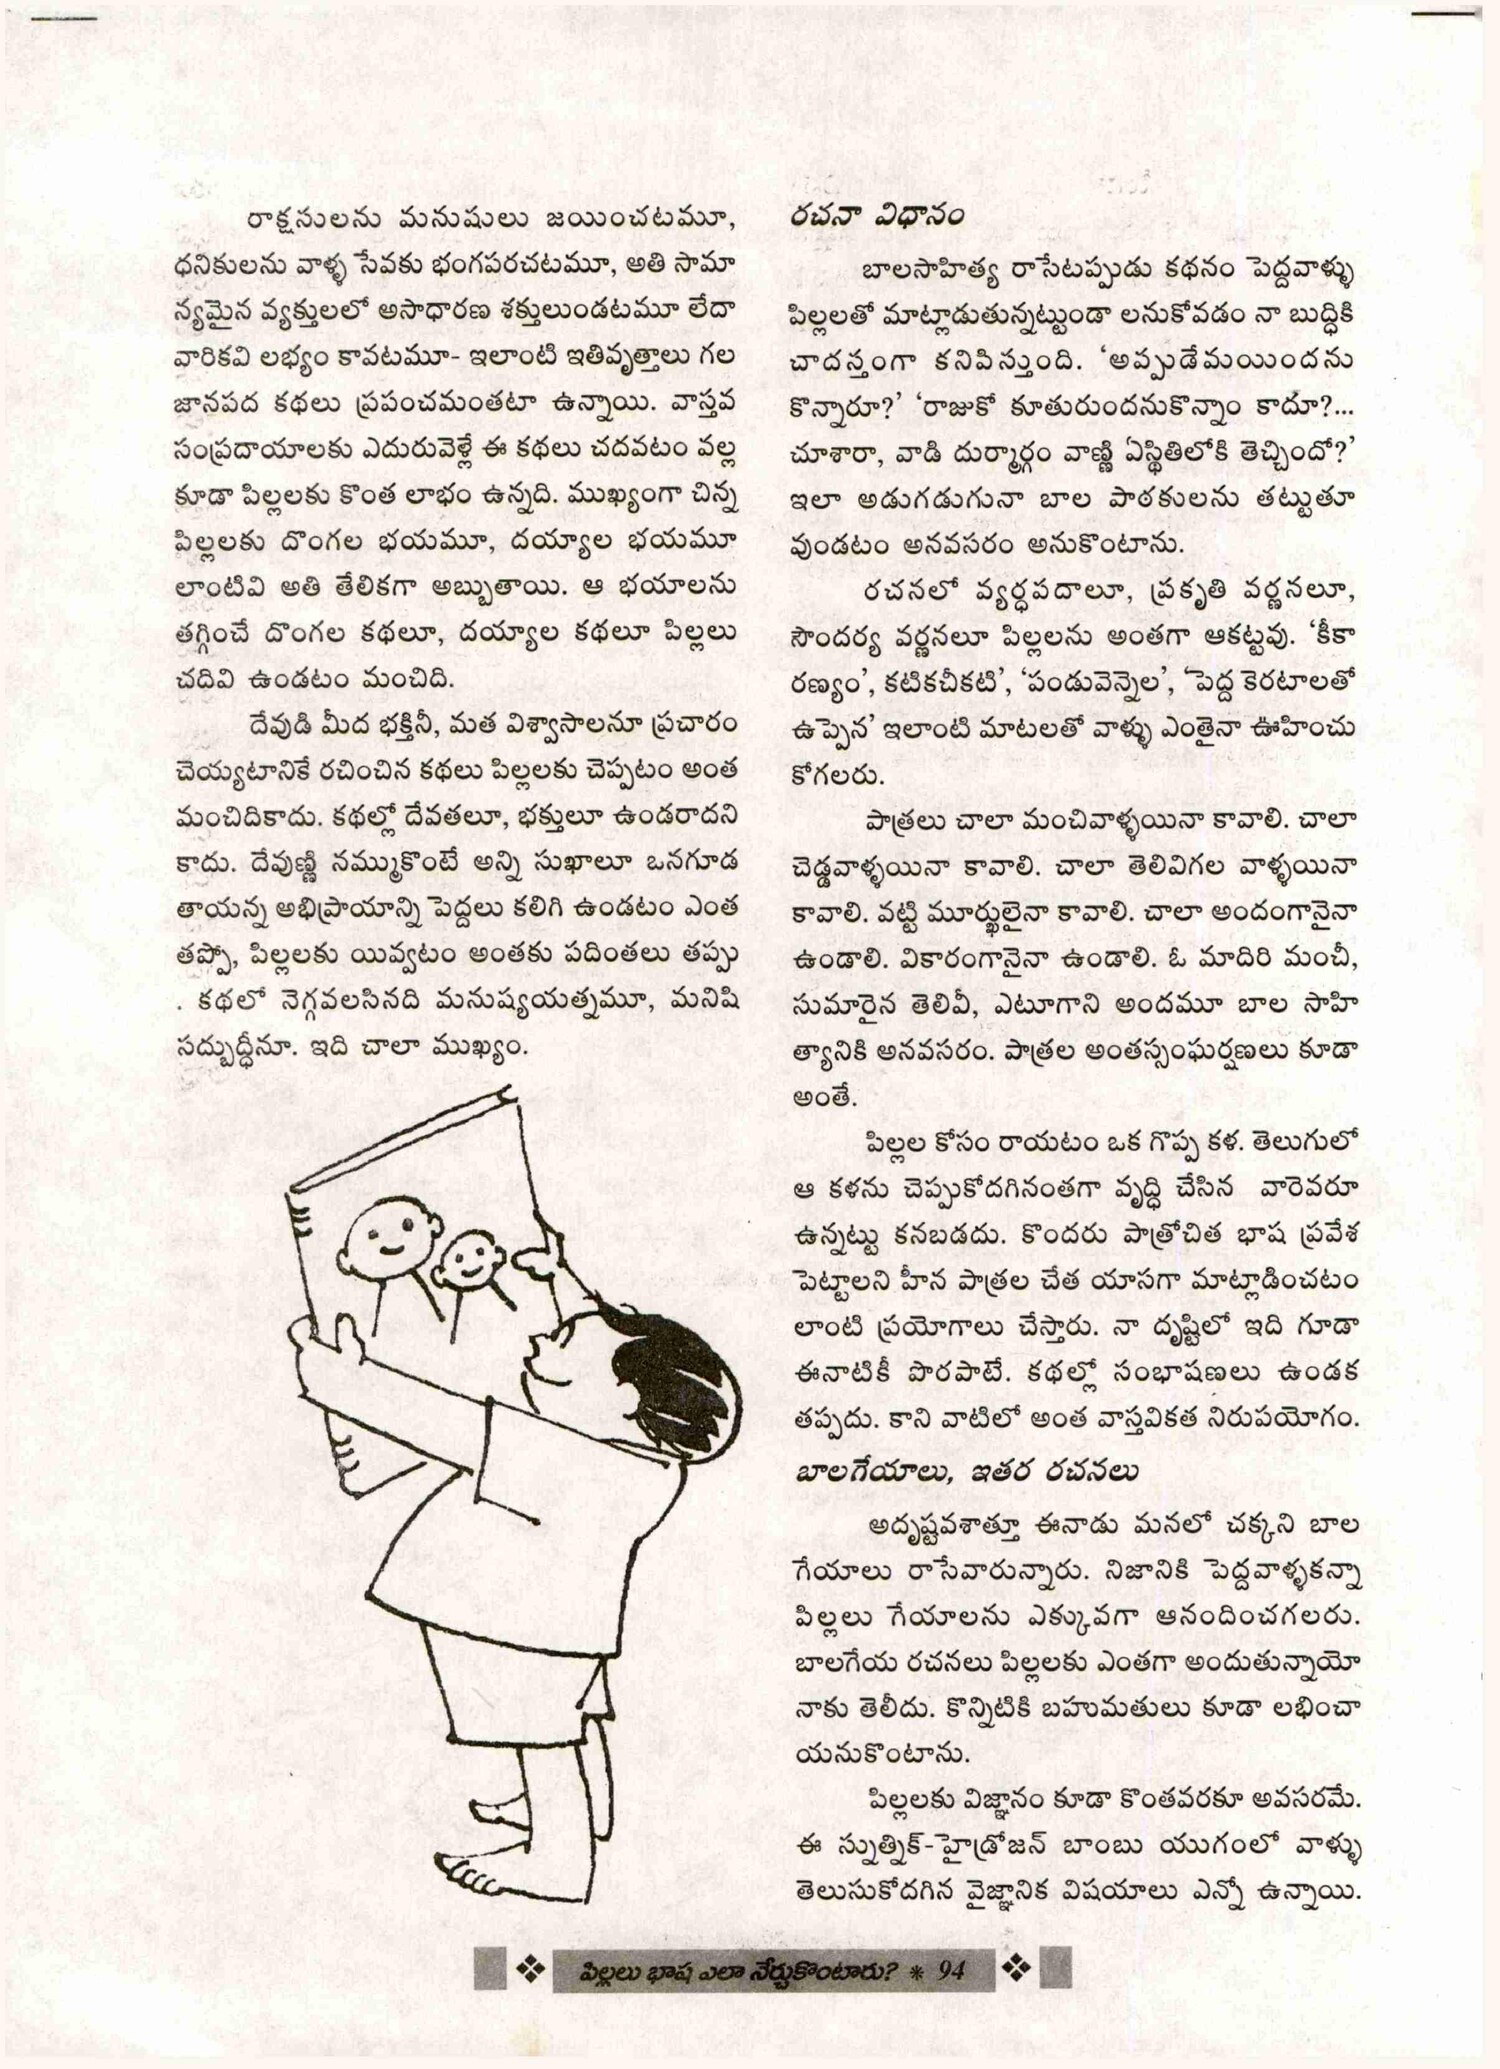రాక్షసులను మనుషులు జయించటమూ, ధనికులను వాళ్ళ సేవకు భంగపరచటమూ, అతి సామాన్యమైన వ్యక్తులలో అసాధారణ శక్తులుండటమూ లేదా వారికవి లభ్యం కావటమూ ఇలాంటి ఇతివృత్తాలు గల జానపద కథలు ప్రపంచమంతటా ఉన్నాయి. వాస్తవ సంప్రదాయాలకు ఎదురువెళ్లే ఈ కథలు చదవటం వల్ల కూడా పిల్లలకు కొంత లాభం ఉన్నది. ముఖ్యంగా చిన్న పిల్లలకు దొంగల భయమూ, దయ్యాల భయమూ లాంటివి అతి తేలికగా అబ్బుతాయి. ఆ భయాలను తగ్గించే దొంగల కథలూ, దయ్యాల కథలూ పిల్లలు చదివి ఉండటం మంచిది.

దేవుడి మీద భక్తినీ, మత విశ్వాసాలనూ ప్రచారం చెయ్యటానికే రచించిన కథలు పిల్లలకు చెప్పటం అంత
మంచిదికాదు. కథల్లో దేవతలూ, భక్తులూ ఉండరాదని కాదు. దేవుణ్ణి నమ్ముకొంటే అన్ని సుఖాలూ ఒనగూడతాయన్న అభిప్రాయాన్ని పెద్దలు కలిగి ఉండటం ఎంత తప్పో, పిల్లలకు యివ్వటం అంతకు పదింతలు తప్పు. కథలో నెగ్గవలసినది మనుష్యయత్నము, మనిషి సద్బుద్దీనూ. ఇది చాలా ముఖ్యం.

రచనా విధానం

బాలసాహిత్య రాసేటప్పుడు కథనం పెద్దవాళ్ళు పిల్లలతో మాట్లాడుతున్నట్టుండా లనుకోవడం నా బుద్ధికి చాదస్తంగా కనిపిస్తుంది. 'అప్పుడేమయిందను కొన్నారూ?' 'రాజుకో కూతురుందనుకొన్నాం కాదూ?... చూశారా, వాడి దుర్మార్గం వాణ్ణి ఏస్థితిలోకి తెచ్చిందో?' ఇలా అడుగడుగునా బాల పాఠకులను తట్టుతూ వుండటం అనవసరం అనుకొంటాను.

రచనలో వ్యర్ధపదాలూ, ప్రకృతి వర్ణనలూ, సౌందర్య వర్ణనలూ పిల్లలను అంతగా ఆకట్టవు. 'కీకారణ్యం', కటికచీకటి', 'పండువెన్నెల', 'పెద్ద కెరటాలతో ఉప్పెన' ఇలాంటి మాటలతో వాళ్ళు ఎంతైనా ఊహించుకోగలరు.

పాత్రలు చాలా మంచివాళ్ళయినా కావాలి. చాలా చెడ్డవాళ్ళయినా కావాలి. చాలా తెలివిగల వాళ్ళయినా కావాలి. వట్టి మూర్ఖులైనా కావాలి. చాలా అందంగానైనా ఉండాలి. వికారంగానైనా ఉండాలి. ఓ మాదిరి మంచీ, సుమారైన తెలివీ, ఎటూగాని అందమూ బాల సాహిత్యానికి అనవసరం. పాత్రల అంతస్సంఘర్షణలు కూడా అంతే.

పిల్లల కోసం రాయటం ఒక గొప్ప కళ. తెలుగులో ఆ కళను చెప్పుకోదగినంతగా వృద్ధి చేసిన వారెవరూ ఉన్నట్టు కనబడదు. కొందరు పాత్రోచిత భాష ప్రవేశపెట్టాలని హీన పాత్రల చేత యాసగా మాట్లాడించటం లాంటి ప్రయోగాలు చేస్తారు. నా దృష్టిలో ఇది గూడా ఈనాటికీ పొరపాటే. కథల్లో సంభాషణలు ఉండక తప్పదు. కాని వాటిలో అంత వాస్తవికత నిరుపయోగం.

బాలగేయాలు, ఇతర రచనలు

అదృష్టవశాత్తూ ఈనాడు మనలో చక్కని బాల గేయాలు రాసేవారున్నారు. నిజానికి పెద్దవాళ్ళకన్నా పిల్లలు గేయాలను ఎక్కువగా ఆనందించగలరు. బాలగేయ రచనలు పిల్లలకు ఎంతగా అందుతున్నాయో నాకు తెలీదు. కొన్నిటికి బహుమతులు కూడా లభించాయనుకొంటాను.

పిల్లలకు విజ్ఞానం కూడా కొంతవరకూ అవసరమే. ఈ స్నుత్నిక్ - హైడ్రోజన్ బాంబు యుగంలో వాళ్ళు తెలుసుకోదగిన వైజ్ఞానిక విషయాలు ఎన్నో ఉన్నాయి.